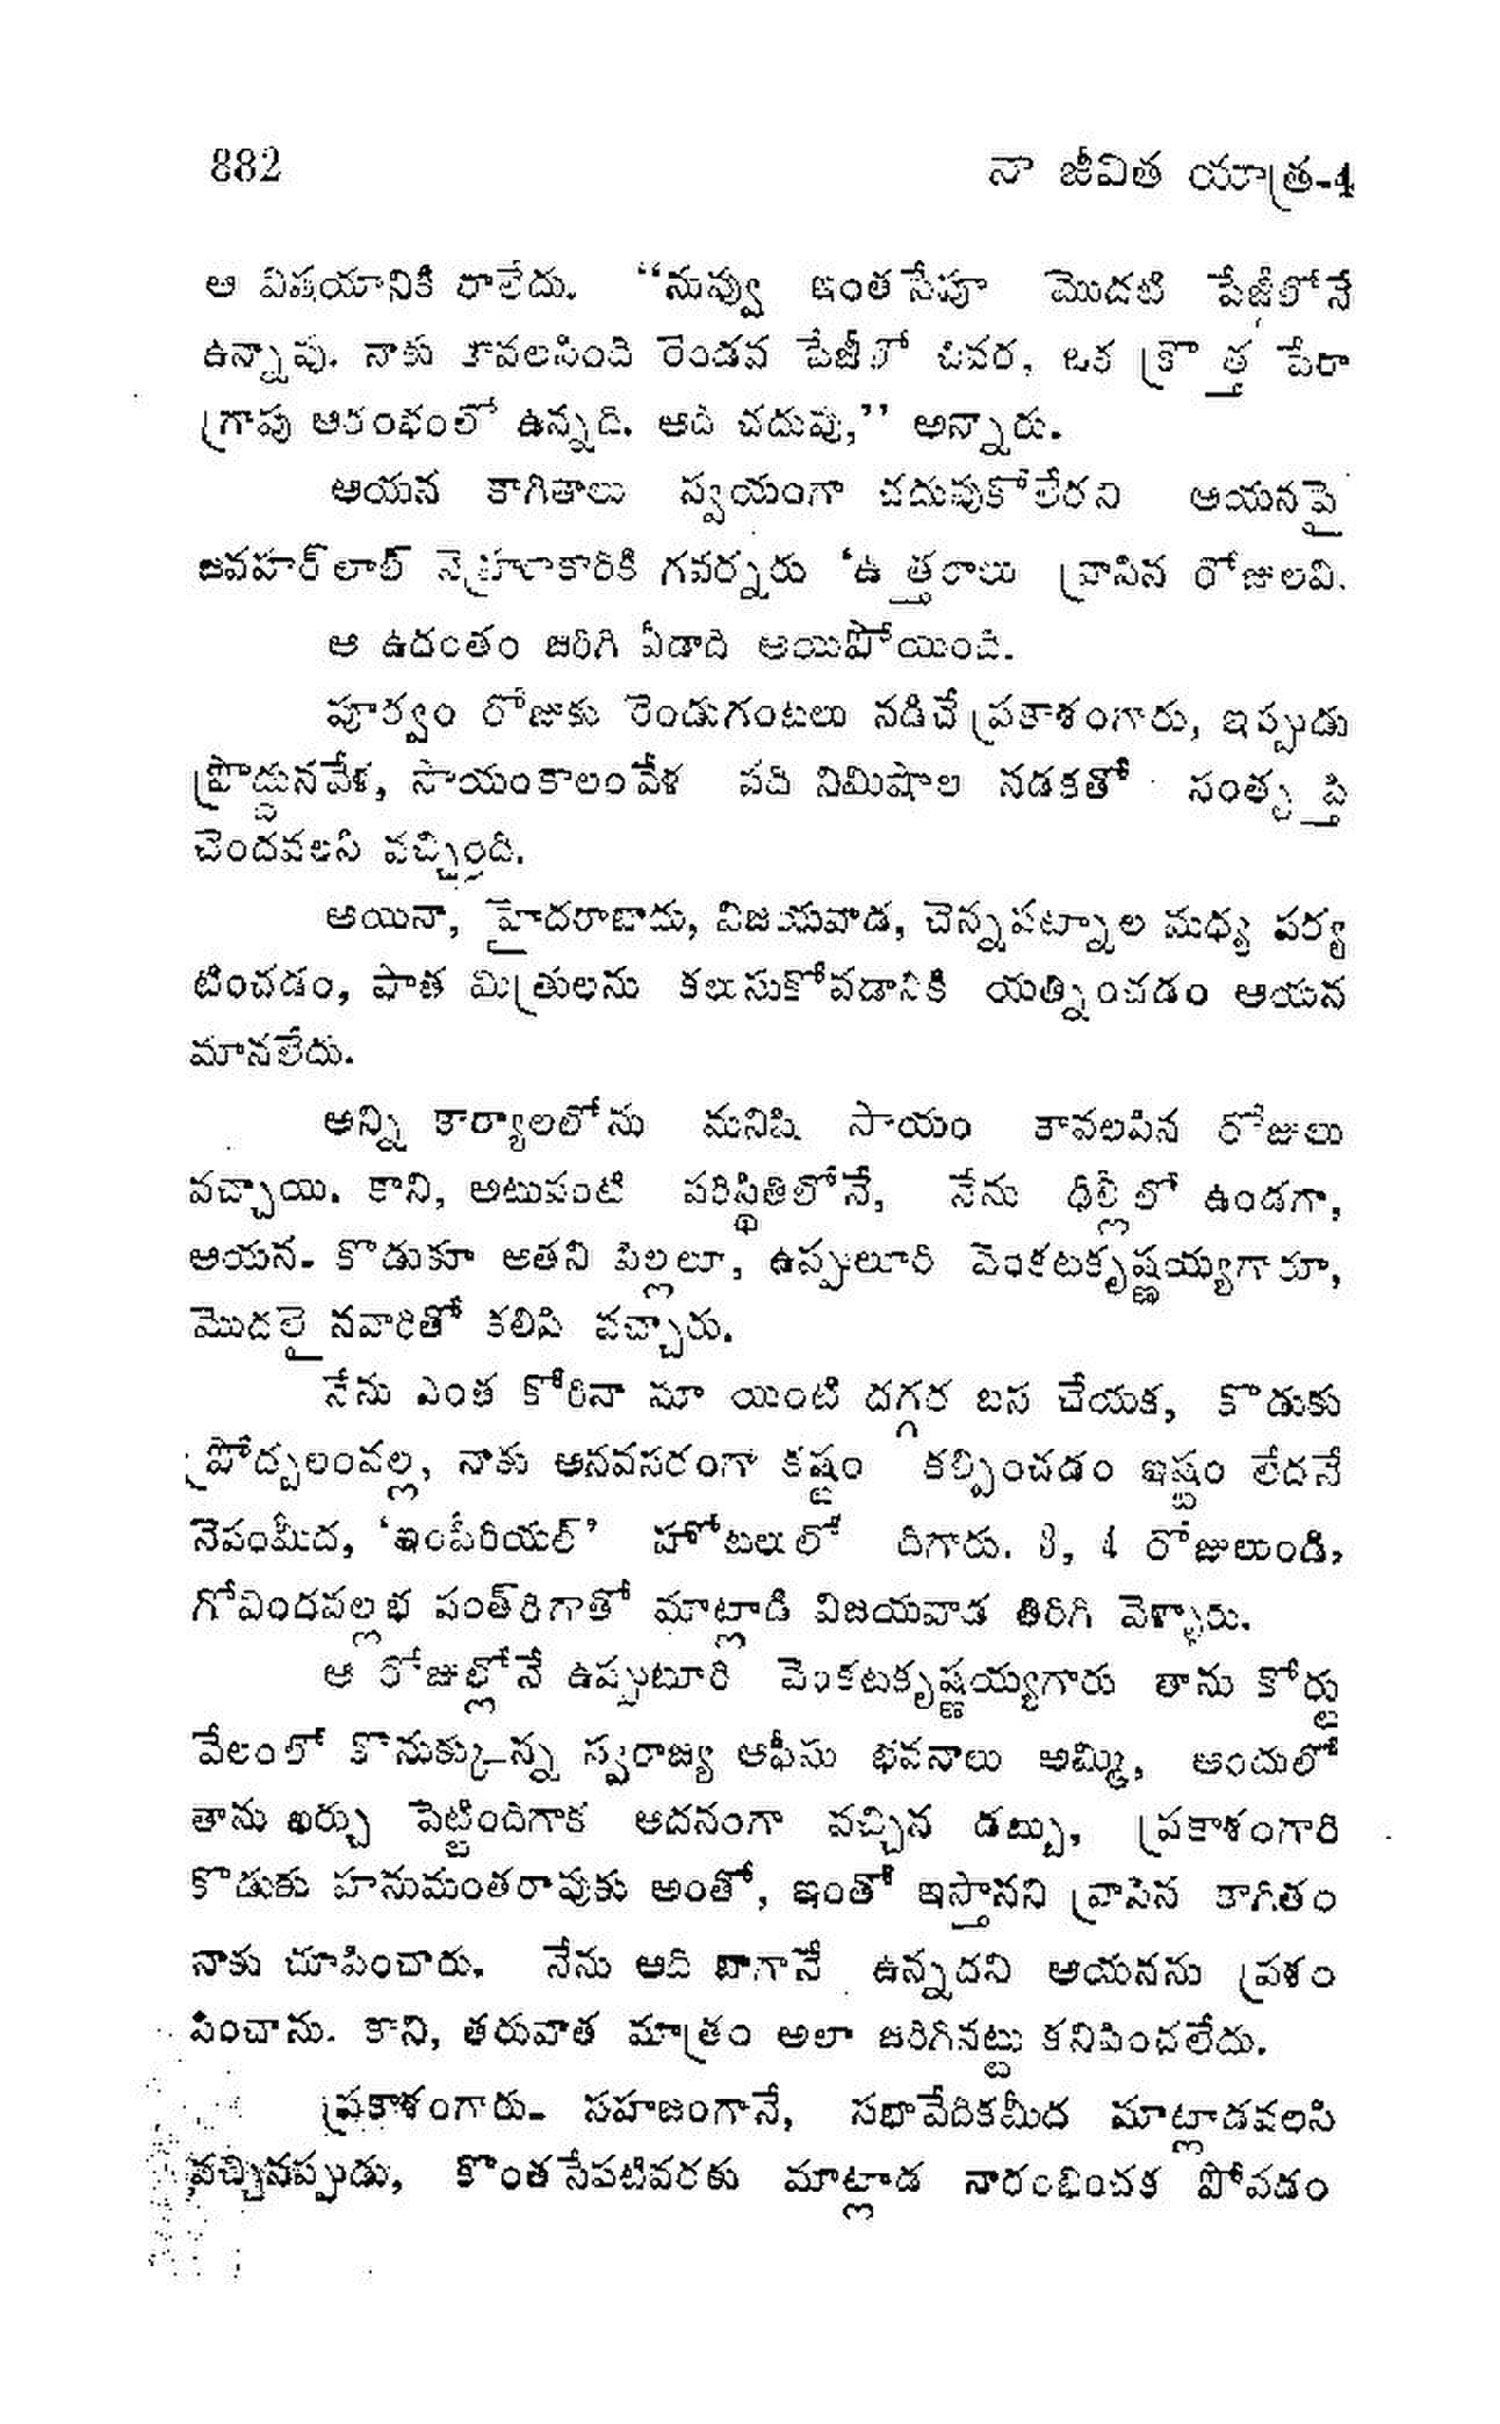ఆ విషయానికి రాలేదు. "నువ్వు ఇంతసేపూ మొదటి పేజీలోనే ఉన్నావు. నాకు కావలసింది రెండవ పేజీలో చివర, ఒక క్రొత్త పేరాగ్రాపు ఆరంభంలో ఉన్నది. అది చదువు," అన్నారు.

ఆయన కాగితాలు స్వయంగా చదువుకోలేరని ఆయనపై జవహర్‌లాల్ నెహ్రూగారికి గవర్నరు 'ఉత్తరాలు వ్రాసిన రోజులవి.

ఆ ఉదంతం జరిగి ఏడాది అయిపోయింది.

పూర్వం రోజుకు రెండుగంటలు నడిచే ప్రకాశంగారు, ఇప్పుడు ప్రొద్దునవేళ, సాయంకాలంవేళ పది నిమిషాల నడకతో సంతృప్తి చెందవలసి వచ్చింది.

అయినా, హైదరాబాదు, విజయవాడ, చెన్నపట్నాల మధ్య పర్యటించడం, పాత మిత్రులను కలుసుకోవడానికి యత్నించడం ఆయన మానలేదు.

అన్ని కార్యాలలోను మనిషి సాయం కావలసిన రోజులు వచ్చాయి. కాని, అటువంటి పరిస్థితిలోనే, నేను ఢిల్లీలో ఉండగా, ఆయన - కొడుకూ అతని పిల్లలూ, ఉప్పులూరి వెంకటకృష్ణయ్యగారూ, మొదలైనవారితో కలిసి వచ్చారు.

నేను ఎంత కోరినా మా యింటి దగ్గర బస చేయక, కొడుకు ప్రోద్బలంవల్ల, నాకు అనవసరంగా కష్టం కల్పించడం ఇష్టం లేదనే నెపంమీద, 'ఇంపీరియల్‌' హోటలులో దిగారు. 3, 4 రోజులుండి, గోవిందవల్లభ పంత్‌గారితో మాట్లాడి విజయవాడ తిరిగి వెళ్ళారు.

ఆ రోజుల్లోనే ఉప్పుటూరి వెంకటకృష్ణయ్యగారు తాను కోర్టు వేలంలో కొనుక్కునా స్వరాజ్య ఆఫీసు భవనాలు అమ్మి, అందులో తాను ఖర్చు పెట్టిందిగాక అదనంగా వచ్చిన డబ్బు, ప్రకాశంగారి కొడుకు హనుమంతరావుకు అంతో, ఇంతో ఇస్తానని వ్రాసిన కాగితం నాకు చూపించారు. నేను అది బాగానే ఉన్నదని ఆయనను ప్రశంసించాను. కాని, తరువాత మాత్రం అలా జరిగినట్టు కనిపించలేదు.

ప్రకాశంగారు - సహజంగానే, సభావేదికమీద మాట్లాడవలసి వచ్చినప్పుడు, కొంతసేపటివరకు మాట్లాడ నారంభించక పోవడం